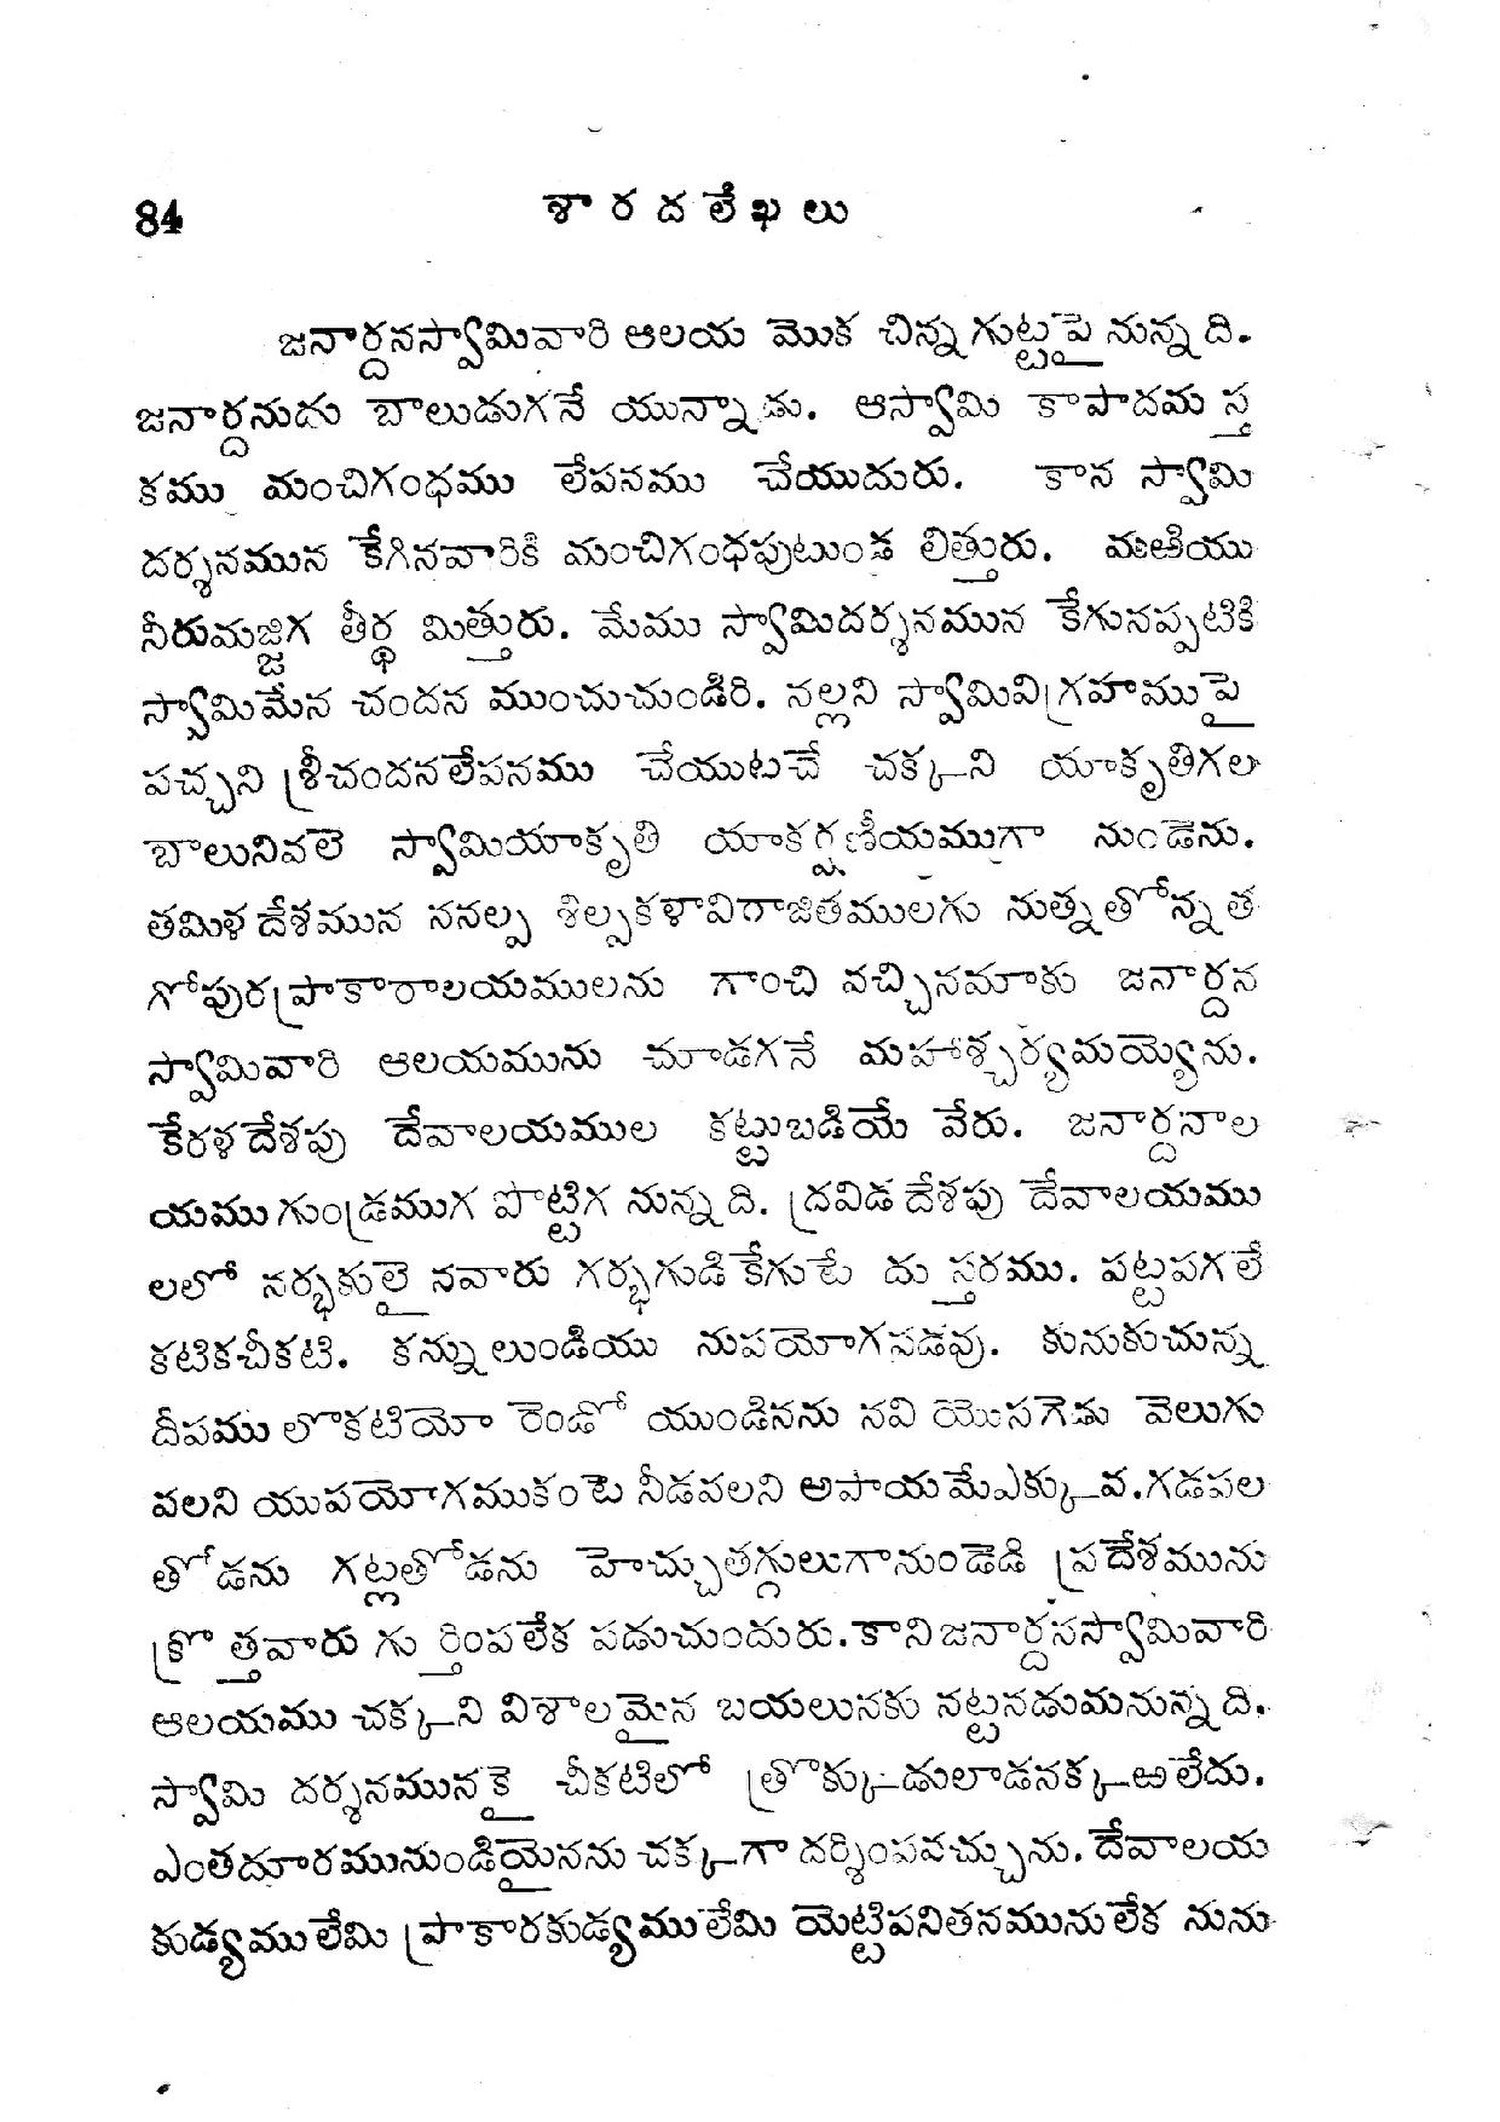జనార్దనస్వామివారి ఆలయ మొక చిన్నగుట్టపై నున్నది. జనార్దనుడు బాలుడుగనే యున్నాడు. ఆస్వామి కాపాదమస్తకము మంచిగంధము లేపనము చేయుదురు. కాన స్వామి దర్శనమున కేగినవారికి మంచిగంధపుటుండ లిత్తురు. మఱియు నీరుమజ్జిగ తీర్థ మిత్తురు. మేము స్వామిదర్శనమున కేగునప్పటికి
స్వామిమేన చందన ముంచుచుండిరి. నల్లని స్వామివిగ్రహముపై పచ్చని శ్రీచందనలేపనము చేయుటచే చక్కని యాకృతిగల బాలునివలె స్వామియాకృతి యాకర్షణీయముగా నుండెను. తమిళదేశమున ననల్ప శిల్పకళావిరాజితములగు నున్నతోన్నత గోపురప్రాకారాలయములను గాంచి వచ్చినమాకు జనార్దనస్వామివారి ఆలయమును చూడగనే మహాశ్చర్యమయ్యెను. కేరళదేశపు దేవాలయముల కట్టుబడియే వేరు. జనార్దనాలయము గుండ్రముగ పొట్టిగ నున్నది. ద్రవిడదేశపు దేవాలయములలో నర్భకులైనవారు గర్భగుడికేగుటే దుస్తరము. పట్టపగలే కటికచీకటి. కన్నులుండియు నుపయోగపడవు. కునుకుచున్న
దీపము లొకటియో రెండో యుండినను నవి యొసగెడు వెలుగువలని యుపయోగముకంటె నీడవలని అపాయమే ఎక్కువ.గడపలతోడను గట్లతోడను హెచ్చుతగ్గులుగానుండెడి ప్రదేశమును క్రొత్తవారు గుర్తింపలేక పడుచుందురు. కాని జనార్ధనస్వామివారి ఆలయము చక్కని విశాలమైన బయలునకు నట్టనడుమనున్నది.
స్వామి దర్శనమునకై చీకటిలో త్రొక్కుడులాడనక్కఱలేదు. ఎంతదూరమునుండియైనను చక్కగా దర్శింపవచ్చును. దేవాలయకుడ్యములేమి ప్రాకారకుడ్యములేమి యెట్టిపనితనమునులేక నును